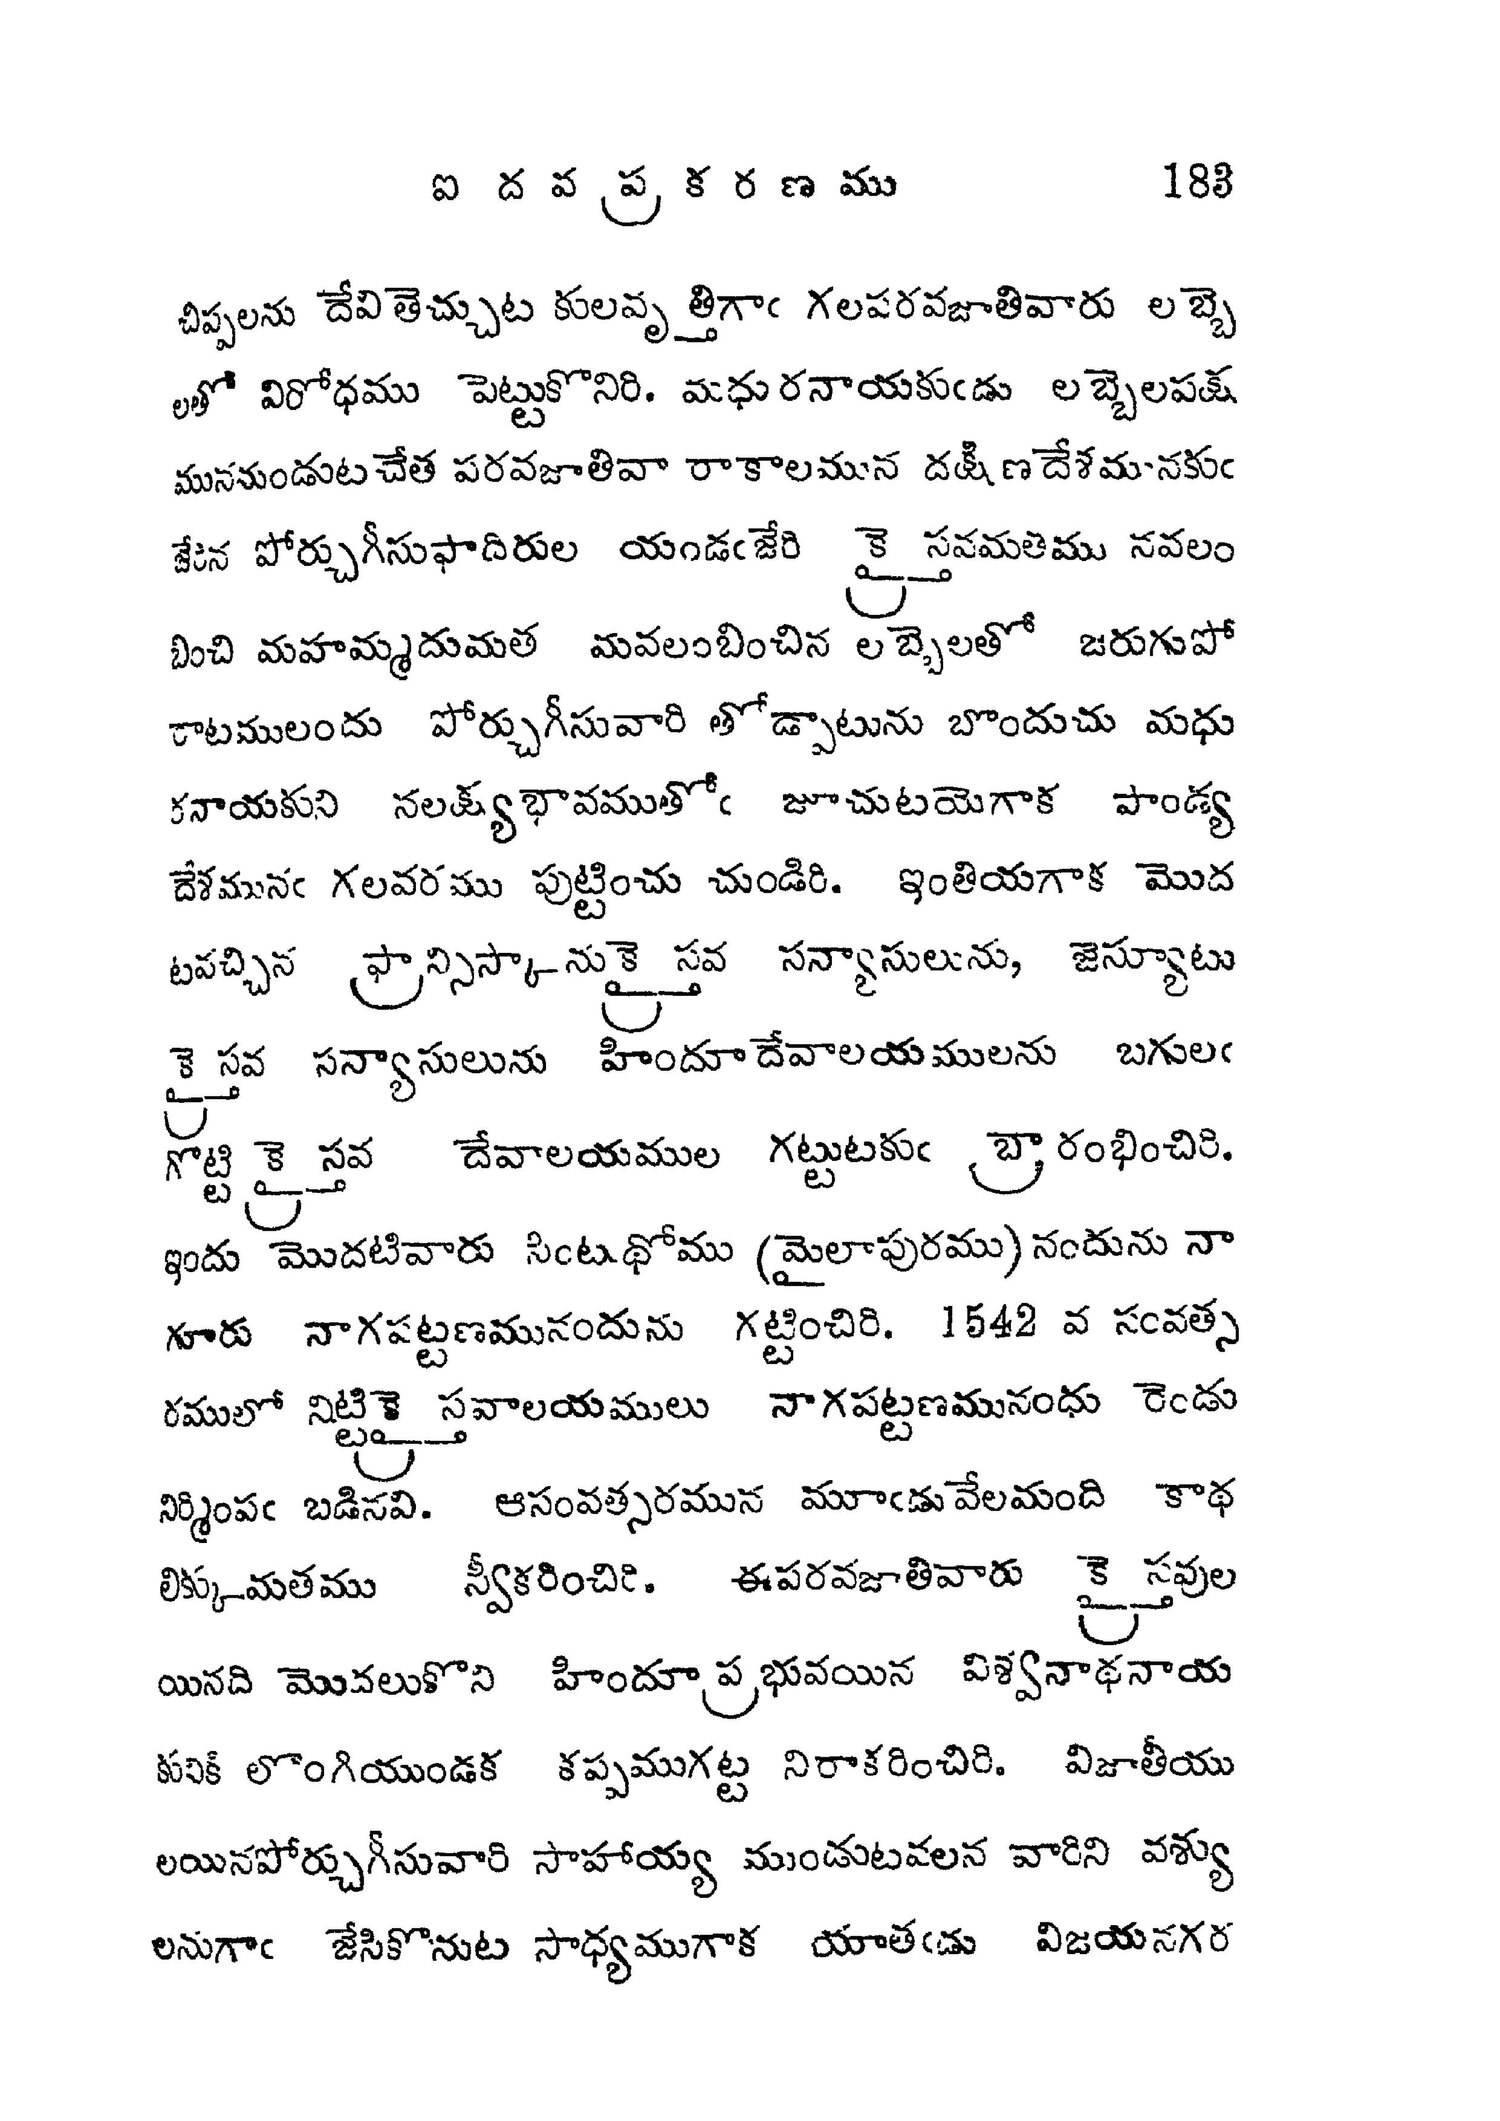చిప్పలను దేవితెచ్చుట కులవృత్తిగా గలపరవజాతివారు లబ్బెలతో విరోధము పెట్టుకొనిరి. మధురనాయకుడు లబ్బెలపక్షముననుండుటచేత పరవజాతివా రాకాలమున దక్షిణదేశమునకు జేరిన పోర్చుగీసుఫాదిరుల యండజేరి క్రైస్తవమతము నవలంబించి మహమ్మదుమత మవలంబించిన లబ్బెలతో జరుగుపోరాటములందు పోర్చుగీసువారి తోడ్పాటును బొందుచు మధురనాయకుని నలక్ష్యభావముతో జూచుటయెగాక పాండ్యదేశమున గలవరము పుట్టించు చుండిరి. ఇంతియగాక మొదటవచ్చిన ఫ్రాన్సిస్కానుక్రైస్తవ సన్యాసులును, జెస్యూటుక్రైస్తవ సన్యాసులును హిందూదేవాలయములను బగులగొట్టి క్రైస్తవ దేవాలయముల గట్టుటకు బ్రారంభించిరి. ఇందు మొదటివారు సింటుథోము (మైలాపురము) నందును నాగూరు నాగపట్టణమునందును గట్టించిరి. 1542 వ సంవత్సరములో నిట్టిక్రైస్తవాలయములు నాగపట్టణమునందు రెండు నిర్మింప బడినవి. ఆసంవత్సరమున మూడువేలమంది కాథలిక్కుమతము స్వీకరించిరి. ఈపరవజాతివారు క్రైస్తవులయినది మొదలుకొని హిందూప్రభువయిన విశ్వనాథనాయకునికి లొంగియుండక కప్పముగట్ట నిరాకరించిరి. విజాతీయులయిన పోర్చుగీసువారి సాహాయ్య ముండుటవలన వారిని వశ్యులనుగా జేసికొనుట సాధ్యముగాక యాతడు విజయనగర